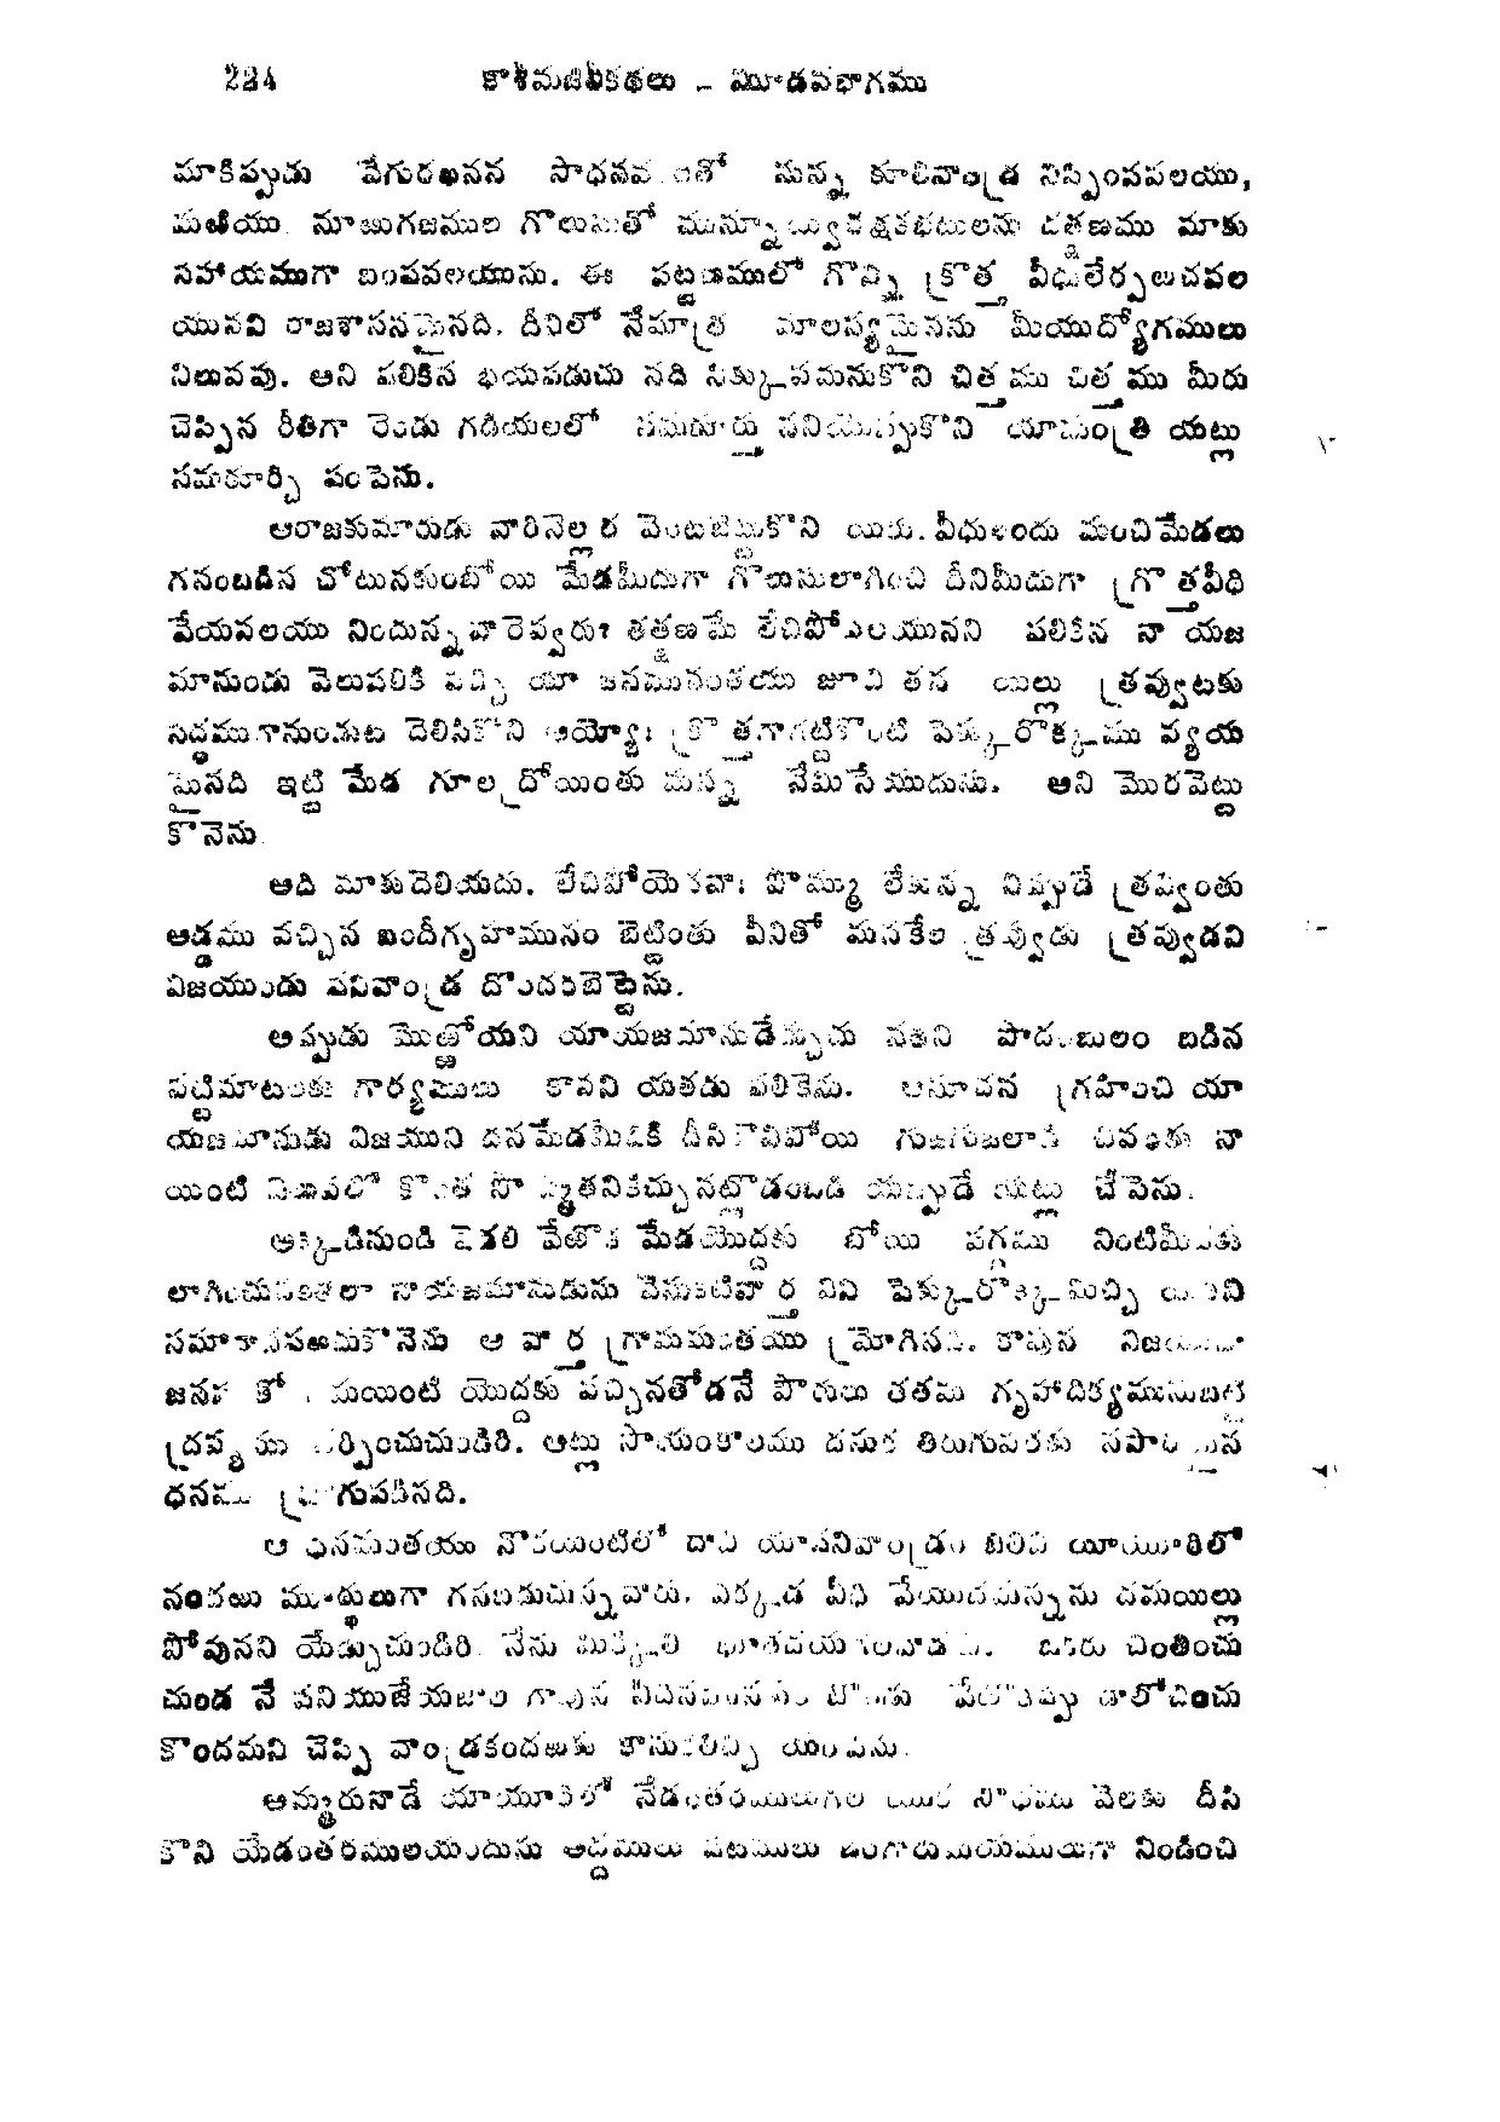మాకిప్పుడు వేగుర ఖననసాధనములతో నున్న కూలివాండ్ర నిప్పింపవలయు, మఱియు నూఱుగజముల గొలుసుతో మున్నూఱురక్షకభటులను దత్క్షణము మాకు సహాయముగా బంపవలయును. ఈ పట్టణములో గొన్ని క్రొత్తవీథు లేర్పఱచవలయునని రాజశాసనమైనది. దీనిలో నేమాత్ర మాలస్యమైనను మీయుద్యోగములు నిలువవు. అని పలికిన భయపడుచు నది నిక్కువమనుకొని చిత్తము చిత్తము మీరు చెప్పినరీతిగా రెండుగడియలలో సమకూర్తు ననియొప్పుకొని యామంత్రి యట్లు సమకూర్చి పంపెను.

ఆరాజకుమారుడు వారినెల్లర వెంటబెట్టుకొని యిరువీథులందు మంచిమేడలు గనంబడిన చోటునకుంబోయి మేడమీదుగా గొలుసులాగించి దీనిమీదుగా గ్రొత్తవీథి వేయవలయు నిందున్నవారెవ్వరు? తత్క్షణమే లేచిపోవలయునని పలికిన నా యజమానుండు వెలుపలికి వచ్చి యా జనమునంతయు జూచి తన యిల్లు త్రవ్వుటకు సిద్ధముగానుండుట దెలిసికొని అయ్యో? క్రొత్తగా గట్టికొంటి పెక్కురొక్కము వ్యయమైనది ఇట్టి మేడ గూలద్రోయింతు మన్న నేమి సేయుదును. అని మొరవెట్టు కొనెను.

అది మాకు దెలియదు. లేచిపోయెదవా? పొమ్ము లేకున్న నిప్పుడే త్రవ్వింతు అడ్డము వచ్చిన బందీగృహమునం బెట్టింతు వీనితో మనకేల త్రవ్వుడు త్రవ్వుడని విజయుడు పనివాండ్ర దొందరబెట్టెను.

అప్పుడు మొఱ్ఱోయని యాయజమాను డేడ్చుచు నతిని పాదంబులం బడిన వట్టిమాటలకు గార్యములు కావని యతడు పలికెను. ఆసూచన గ్రహించి యా యజమానుడు విజయుని దనమేడమీదికి దీసికొనిపోయి గుజగుజలాడి చివరకు నాయింటివిలువలో కొంతసొ మ్మతని కిచ్చున ట్లొడంబడి యప్పుడే యట్లు చేసెను.

అక్కడినుండి వెడలి వేఱొకమేడయొద్దకు బోయి పగ్గము నింటిమీదకు లాగించునంతలో నాయజమానుడును వెనుకటివార్త విని పెక్కురొక్కమిచ్చి యితని సమాధానపఱచుకొనెను ఆ వార్త గ్రామమంతయు మ్రోగినది. కావున విజయు డాజనముతో తమయింటియొద్దకు వచ్చినతోడనే పౌరులు తత్తమగృహాధిక్యమునుబట్టి ద్రవ్యము సమర్పించుచుండిరి. అట్లు సాయంకాలముదనుక తిరుగువరకు నపారమైన ధనము ప్రోగుపడినది.

ఆ ధనమంతయు నొకయింటిలో దాచి యాపనివాండ్రం బిలిచి యీయూరిలో నందఱు మూర్ఖులుగా గనబడుచున్నవారు. ఎక్కడ వీథి వేయుదమన్నను దమయిల్లు పోవునని యేడ్చుచుండిరి. నేను మిక్కిలి భూతదయగలవాడను. ఒకరు చింతించుచుండ నే పనియుజేయజాల గావున నీదినమునకుం బొండు వేఱొకప్పు డాలోచించు కొందమని చెప్పి వాండ్రకందఱుకు కానుకలిచ్చి యంపెను.

అమ్మరునాడే యాయూరిలో నేడంతరములుగల యొకసౌధము వెలకు దీసికొని యేడంతరములయందును అద్దములు పటములు బంగారుమయములుగా నిండించి